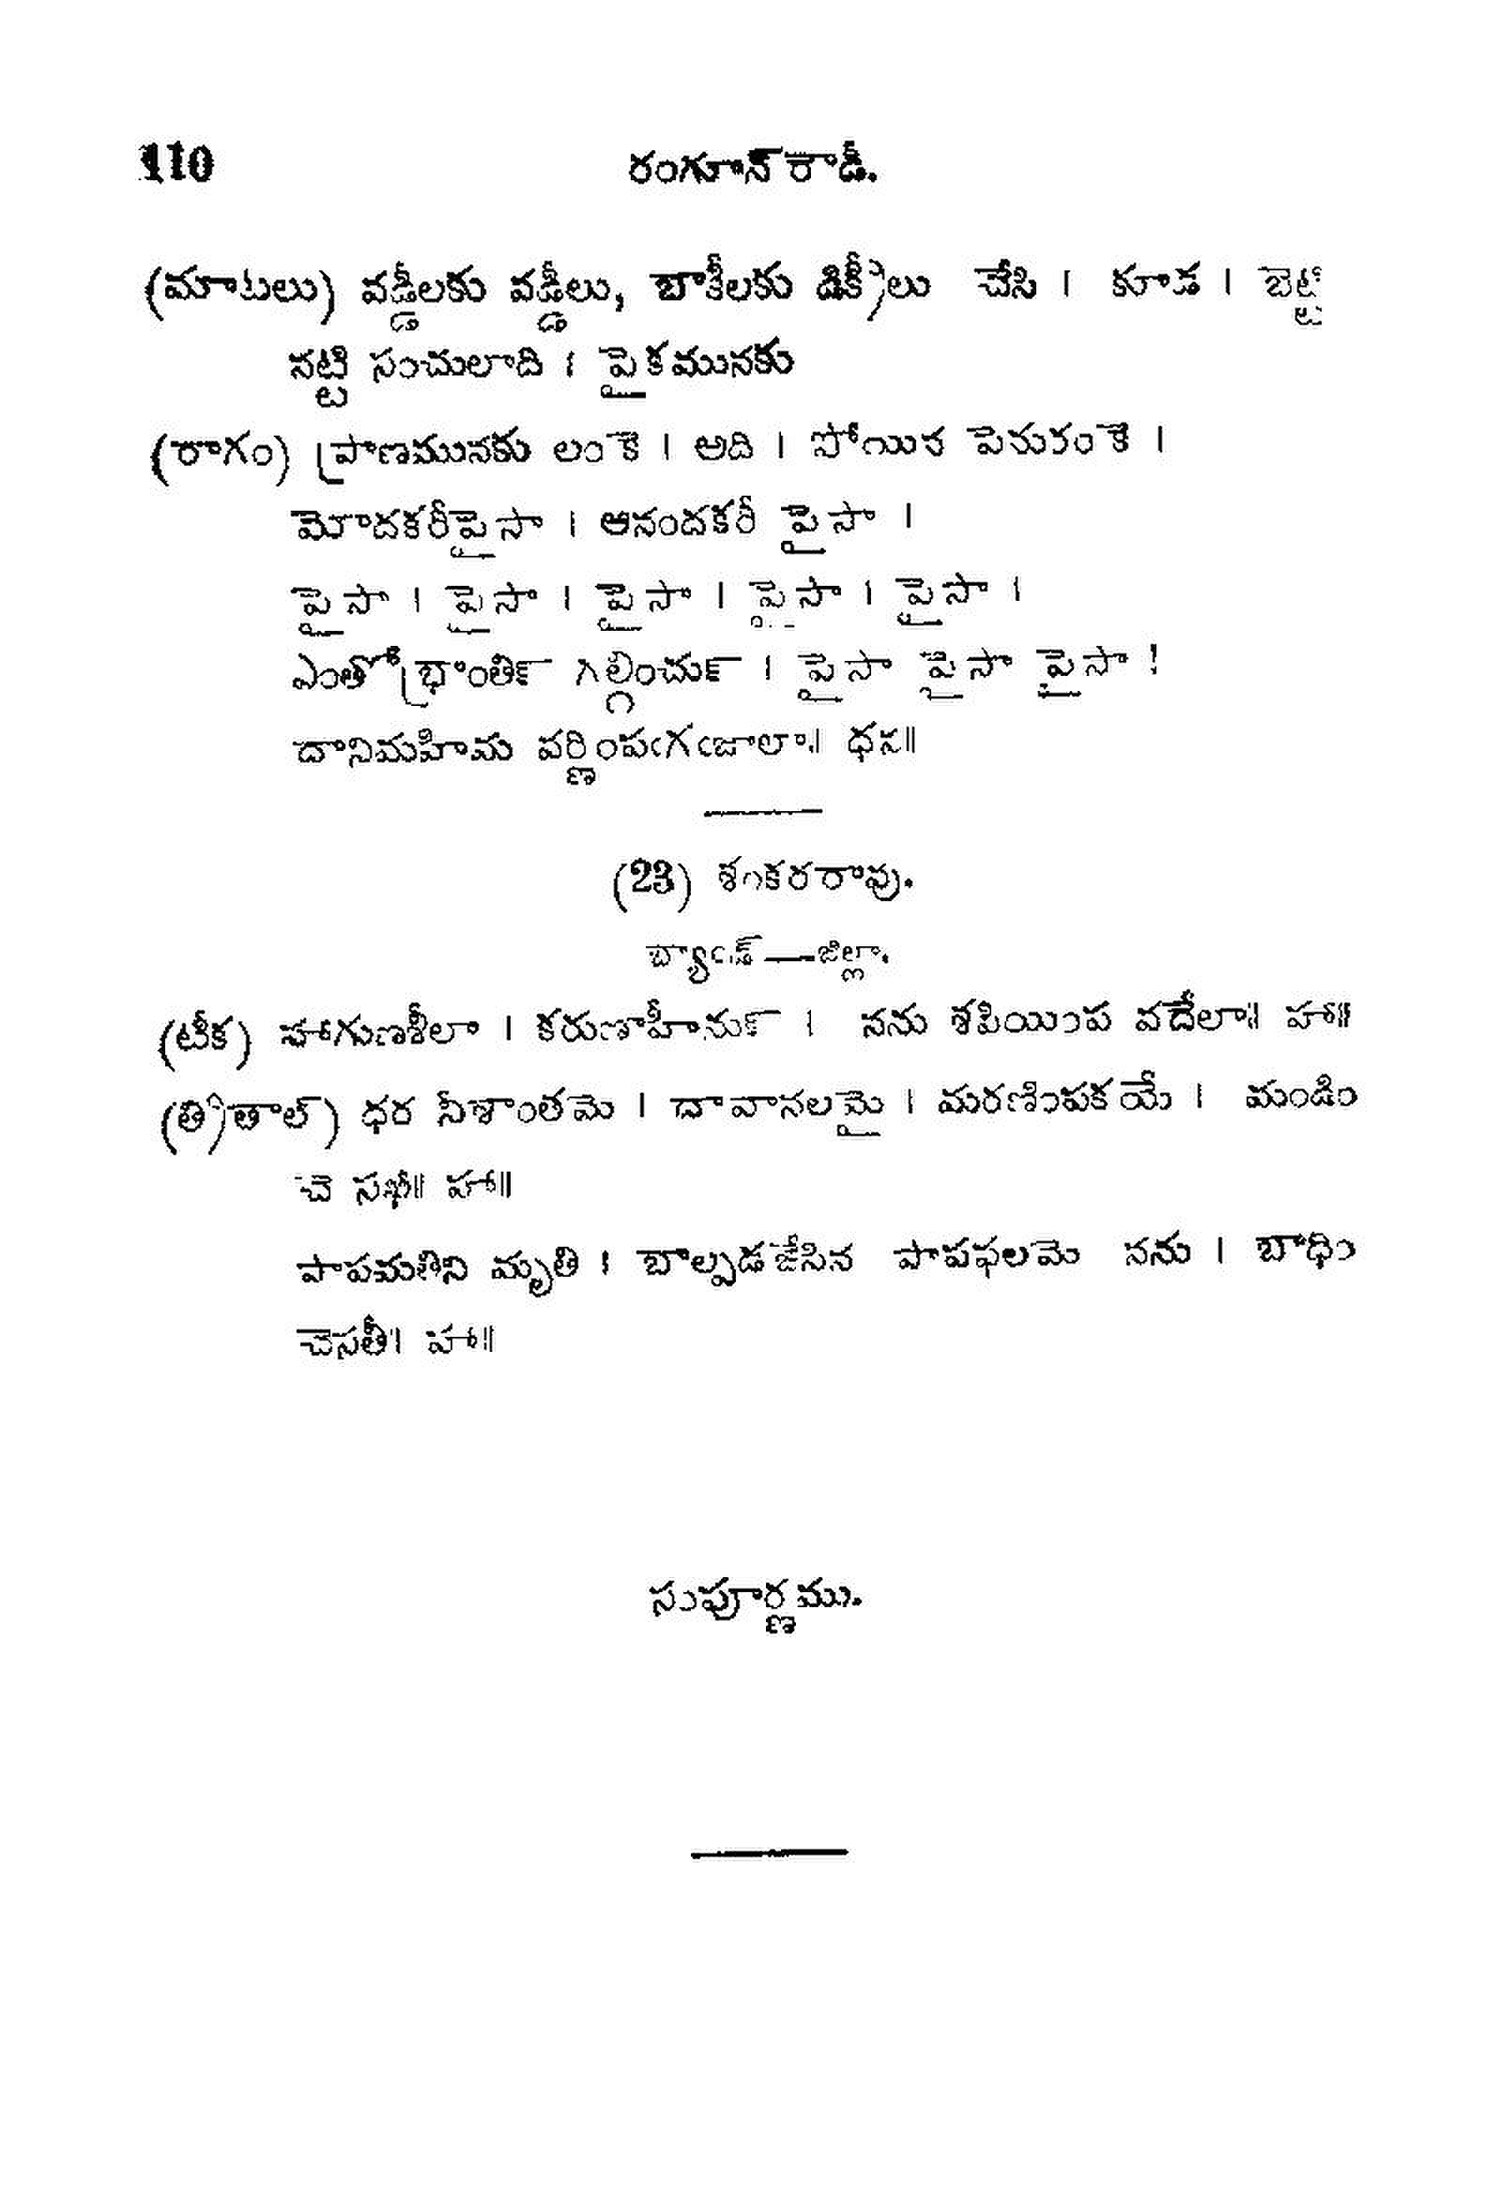(మాటలు) వడ్డీలకు వడ్డీలు, బాకీలకు డిక్రీలు చేసి I కూడ | బెట్టినట్టి సంచులాది ! పైకమునకు

(రాగం) ప్రాణమునకు లంకె | అది | పోయిన పెనురంకె |
 మోదకరీపైసా ? ఆనందకరీ పైసా |
 పైసా ! పైసా | పైసా | పైసా! పైసా |
 ఎంతో భ్రాంతిన్ గిల్గించున్ | పైసా పైసా పైసా !
 దాని మహిమ వర్ణింపఁగఁజులా!! ధన||

(టీక) హాగుణశీలా | కరుణాహీనున్ ! నను శపియింప వదేలా!! హా!!
(త్రితాల్) ధర నీశాంతమె | దావానలమై | మరణింపకయే | మండించె సఖీ!! హా||
పాపమతిని మృతి ! బాల్పడజేసిన పాపఫలమే నను | బాధించెసతీ!! హా!!

_________